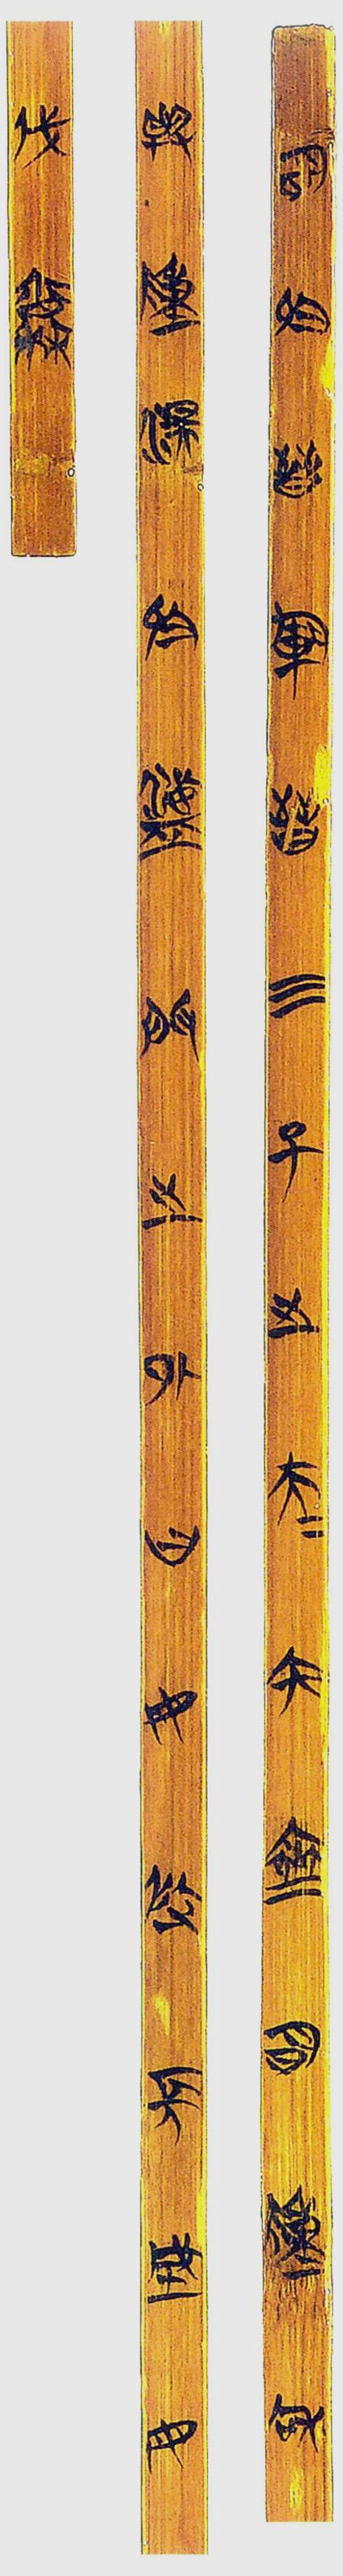明於晉軍晉三子之夫=內齊明陳和與陳淏於溋門之外曰母攸長城母伐{㐭秝}
